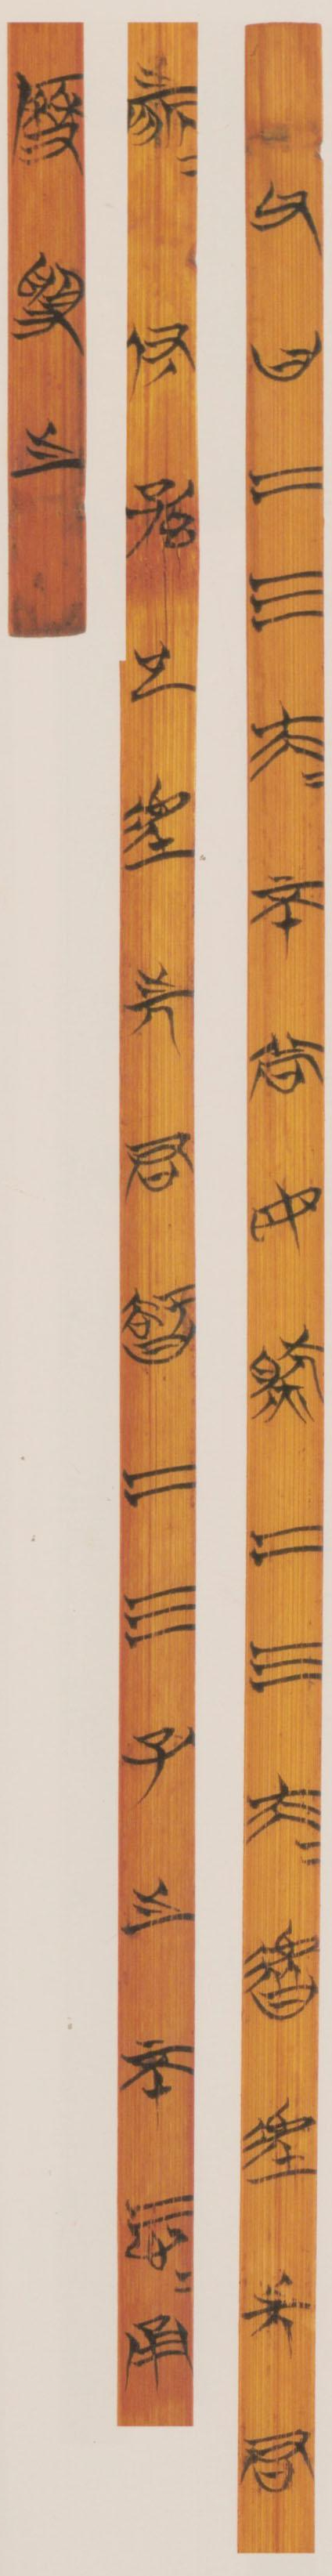父曰二三夫=不尚母然二三夫={虍皆}𫊟先君之所=付孫也𫊟先君智二三子之不二心=甬{厤又}受之
